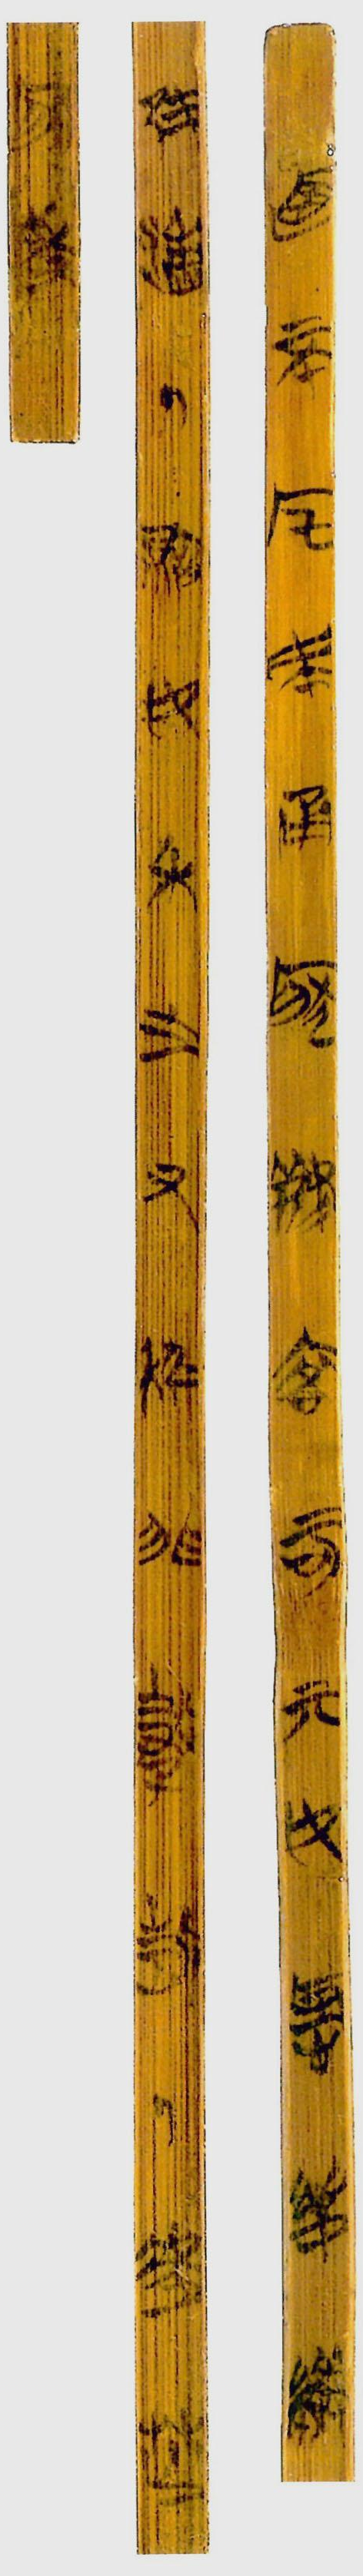廼不厇民甬戾{歺𦘔}{宀咎}可亓女怠𪪋（哉）絭隹{沈臼}人則女禾之又{禾U}非{㱿子}折人𫊟（吾）{𣏟止}所爰
